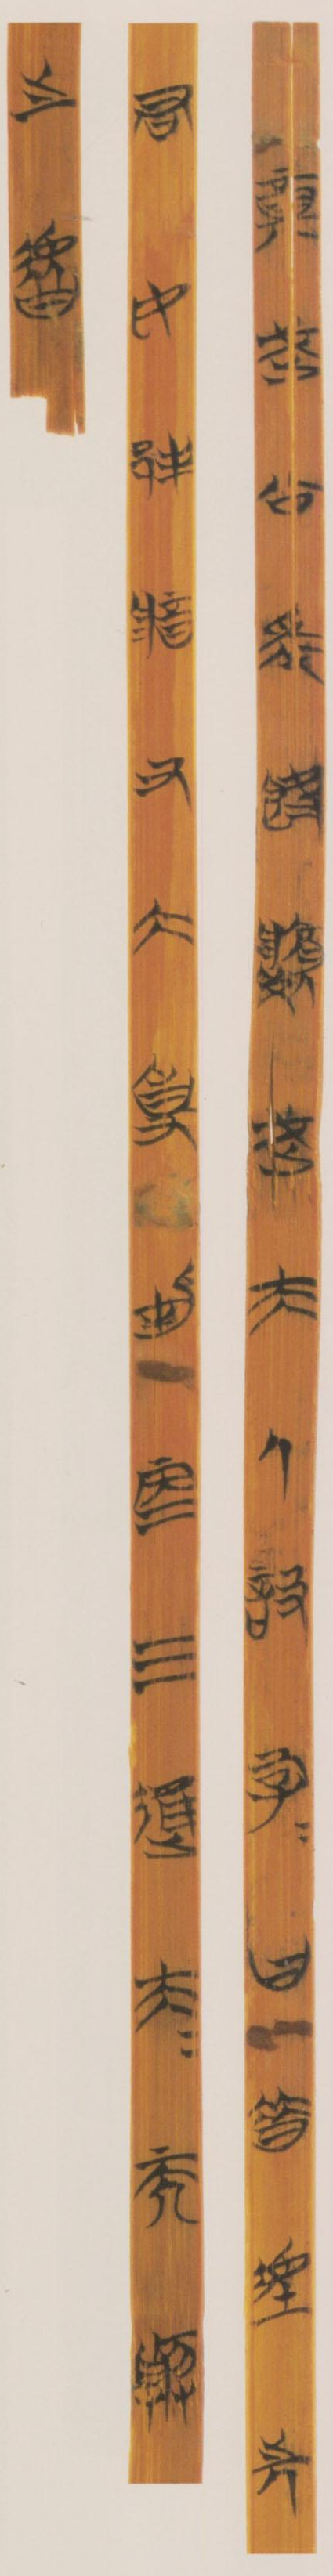奠武公卒B既{爿兔死}武夫人{言？又}乳=曰昔𫊟先君女邦𨟻又大事{才匕}再三進夫=而與之{虍皆}
